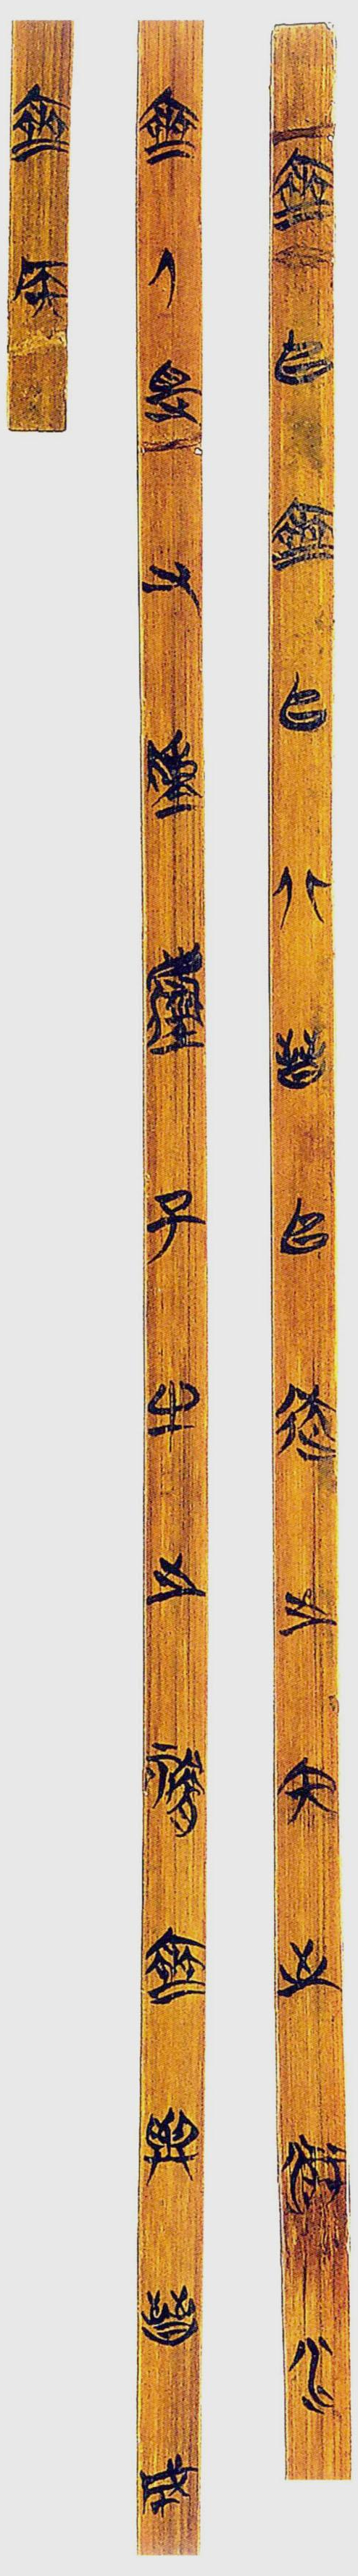齊𠂤齊𠂤北晉𠂤迖之內至汧水齊人{且又}又（有）陳{鹿巠}子牛之禍齊與晉成齊侯
